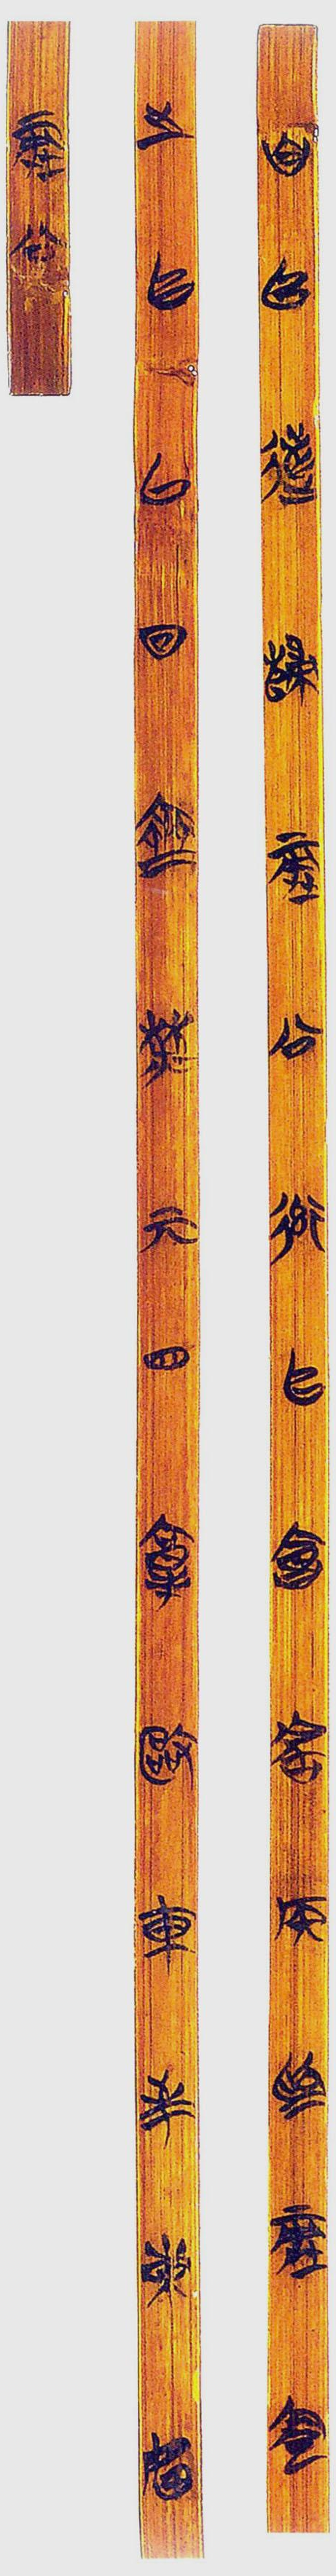自𠂤逃{𡴎帚}坪公率𠂤會者侯爲坪侌之𠂤㠯（以）回齊焚亓四𩫏毆車{至于}東{母田}坪公
